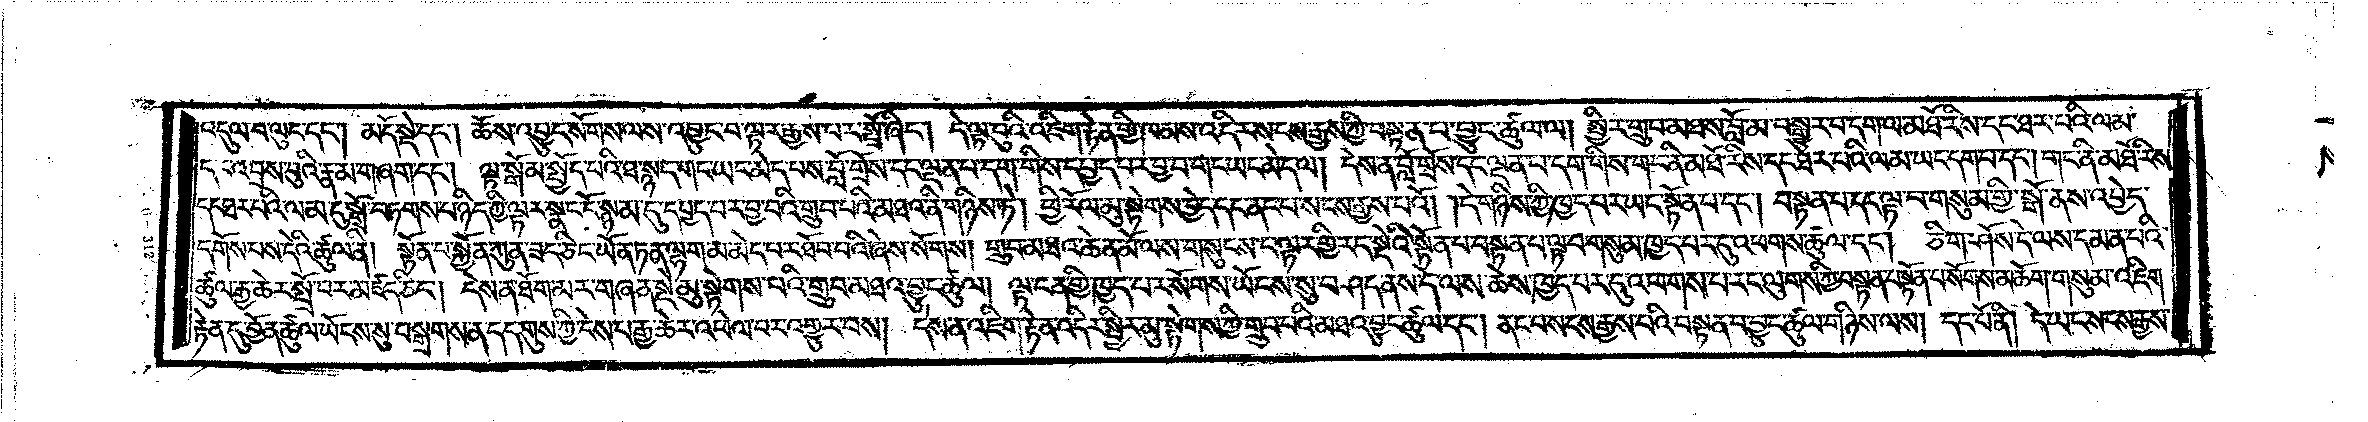འདུལ་བ་ལུང་དང་། མདོ་སྡེ་དང་། ཆོས་འབྱུང་སོགས་ལས་འབྱུང་བ་ལྟར་རྒྱས་པར་སྤྲོ་ཞིང་། དེ་ལྟ་བུའི་འཇིག་རྟེན་གྱི་ཁམས་འདིར་སངས་རྒྱས་ཀྱི་བསྟན་པ་བྱུང་ཚུལ་ལ། སྤྱིར་གྲུབ་མཐས་བློ་མ་བསྒྱུར་བ་དག་ལ་མཐོ་རིས་དང་ཐར་པའི་ལམ་
དང་འབྲས་བུའི་རྣམ་གཞག་དང་། ལྟ་སྒོམ་སྤྱོད་པའི་ཐ་སྙད་གང་ཡང་མེད་པས་བློ་གྲོས་དང་ལྡན་པ་དག་གིས་དཔྱད་པར་བྱ་བ་གང་ཡང་མེད་ལ། དེས་ན་བློ་གྲོས་དང་ལྡན་པ་དག་གིས་གང་ནི་མཐོ་རིས་དང་ཐར་པའི་ལམ་ཡང་དག་པ་དང་། གང་ནི་མཐོ་རིས་
དང་ཐར་པའི་ལམ་དུ་སྒྲོ་བཏགས་པ་ཉིད་ཀྱི་ལྟར་སྣང་ངོ་སྙམ་དུ་དཔྱད་པར་བྱ་བའི་གྲུབ་པའི་མཐའ་ནི་གཉིས་ཏེ། ཕྱི་རོལ་མུ་སྟེགས་བྱེད་དང་ནང་པ་སངས་རྒྱས་པའོ། །དེ་གཉིས་ཀྱི་ཁྱད་པར་ཡང་སྟོན་པ་དང་། བསྟན་པ་དང་ལྟ་བ་གསུམ་གྱི་སྒོ་ནས་འབྱེད་
དགོས་པས་དེའི་ཚུལ་ནི། སྟོན་པ་སྐྱོན་ཀུན་ཟད་ཅིང་ཡོན་ཏན་ལྷག་མ་མེད་པར་ཐོབ་པའི་ཞེས་སོགས། གྲུབ་མཐའ་ཆེན་མོ་ལས་གསུངས་པ་ལྟར་གྱི་རང་སྡེའི་སྟོན་པ་བསྟན་པ་ལྟ་བ་གསུམ་ཁྱད་པར་དུ་འཕགས་ཚུལ་དང་། ཅིག་ཤོས་དེ་ལས་དམན་པའི་
ཚུལ་རྒྱ་ཆེར་སྤྲོ་བར་མཛད་ཅིང་། དེས་ན་ཐོག་མར་གཞན་སྡེ་མུ་སྟེགས་པའི་གྲུབ་མཐའ་བྱུང་ཚུལ། ལྟ་ངན་གྱི་ཁྱད་པར་སོགས་ཡོངས་སུ་བཤད་ནས་དེ་ལས་ཆེས་ཁྱད་པར་དུ་འཕགས་པ་རང་ལུགས་ཀྱི་བསྟན་བསྟོན་པ་སོགས་མཆོག་གསུམ་འཇིག་
རྟེན་དུ་བྱོན་ཚུལ་ཡོངས་སུ་བསྒྲགས་ན་དད་གུས་ཀྱི་ངེས་པ་རྒྱ་ཆེར་འཕེལ་བར་འགྱུར་བས། དེས་ན་འཇིག་རྟེན་འདིར་སྤྱིར་མུ་སྟེགས་ཀྱི་གྲུབ་པའི་མཐའ་བྱུང་ཚུལ་དང་། ནང་པ་སངས་རྒྱས་པའི་བསྟན་པ་བྱུང་ཚུལ་གཉིས་ལས། དང་པོ་ནི། དེ་ཡང་སངས་རྒྱས་